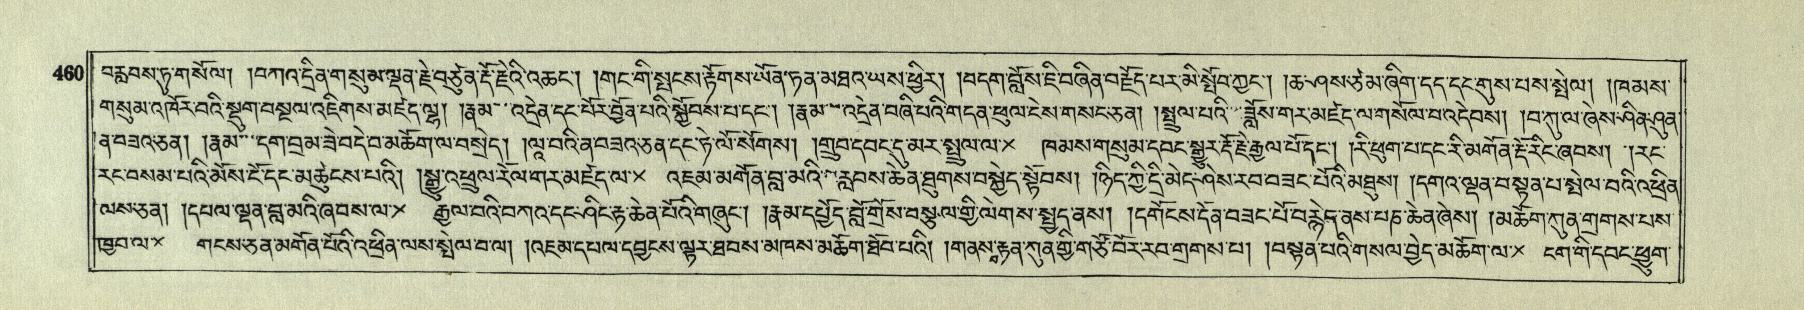བརླབས་ཏུ་གསོལ། །བཀའ་དྲིན་གསུམ་ལྡན་རྗེ་བཙུན་རྡོ་རྗེའི་འཆང་། །གང་གི་སྤངས་རྟོགས་ཡོན་ཏན་མཐའ་ཡས་ཕྱིར། །བདག་བློས་ཇི་བཞིན་བརྗོད་པར་མི་སྤོབ་ཀྱང་། །ཆ་ཤས་ཙམ་ཞིག་དད་དང་གུས་པས་སྤེལ། །ཁམས་
གསུམ་འཁོར་བའི་སྡུག་བསྔལ་འཇིགས་མཛད་ལྷ། །རྣམ་འདྲེན་དང་པོར་བྱོན་པའི་སྐྱོབས་པ་དང་། །རྣམ་འདྲེན་བཞི་པའི་གདན་ཕུལ་ངེས་གསང་ཅན། །སྤྲུལ་པའི་ཟློས་གར་མཛད་ལ་གསོལ་བ་འདེབས། །བ་ཀུ་ལ་ཞེས་ཤིན་ཤུན་
ན་བཟའ་ཅན། །རྣམ་དག་བྲམ་ཟེ་བདེ་བ་མཆོག་ལ་བསྲེད། །ལཱ་བའི་ན་བཟའ་ཅན་དང་ཏེ་ལོ་སོགས། །གྲུབ་དབང་དུ་མར་སྤྲུལ་ལ་྾་ཁམས་གསུམ་དབང་སྒྱུར་རྡོ་རྗེ་རྒྱལ་པོ་དང་། །རི་ཕུག་པ་དང་རི་མགོན་རྡོ་རིང་ཞབས། །རང་
རང་བསམ་པའི་མོས་ངོ་དང་མཚུངས་པའི། །སྒྱུ་འཕྲུལ་རོལ་གར་མཛད་ལ་྾་འཇམ་མགོན་བླ་མའི་བརླབས་ཆེན་ཐུགས་བསྐྱེད་སྟོབས། །ཉིད་ཀྱི་དྲི་མེད་ཤེས་རབ་བཟང་པོའི་མཐུས། །དགའ་ལྡན་བསྟན་པ་སྤེལ་བའི་འཕྲིན་
ལས་ཅན། །དཔལ་ལྡན་བླ་མའི་ཞབས་ལ་྾་རྒྱལ་བའི་བཀའ་དང་ཤིང་རྟ་ཆེན་པོའི་གཞུང་། །རྣམ་དཔྱོད་བློ་གྲོས་བསྩལ་གྱི་ལེགས་སྤྱད་ནས། །དགོངས་དོན་བཟང་པོ་བརྙེད་ནས་པཎ་ཆེན་ཞེས། །མཆོག་ཀུན་གྲགས་པས་
ཁྱབ་ལ་྾་གངས་ཅན་མགོན་པོའི་འཕྲིན་ལས་སྤེལ་བ་ལ། །འཇམ་དཔལ་དབྱངས་ལྟར་ཐབས་མཁས་མཆོག་ཐོབ་པའི། །གནས་བརྟན་ཀུན་གྱི་གཙོ་བོར་རབ་གྲགས་པ། །བསྟན་པའི་གསལ་བྱེད་མཆོག་ལ་྾་ངག་གི་དབང་ཕྱུག་